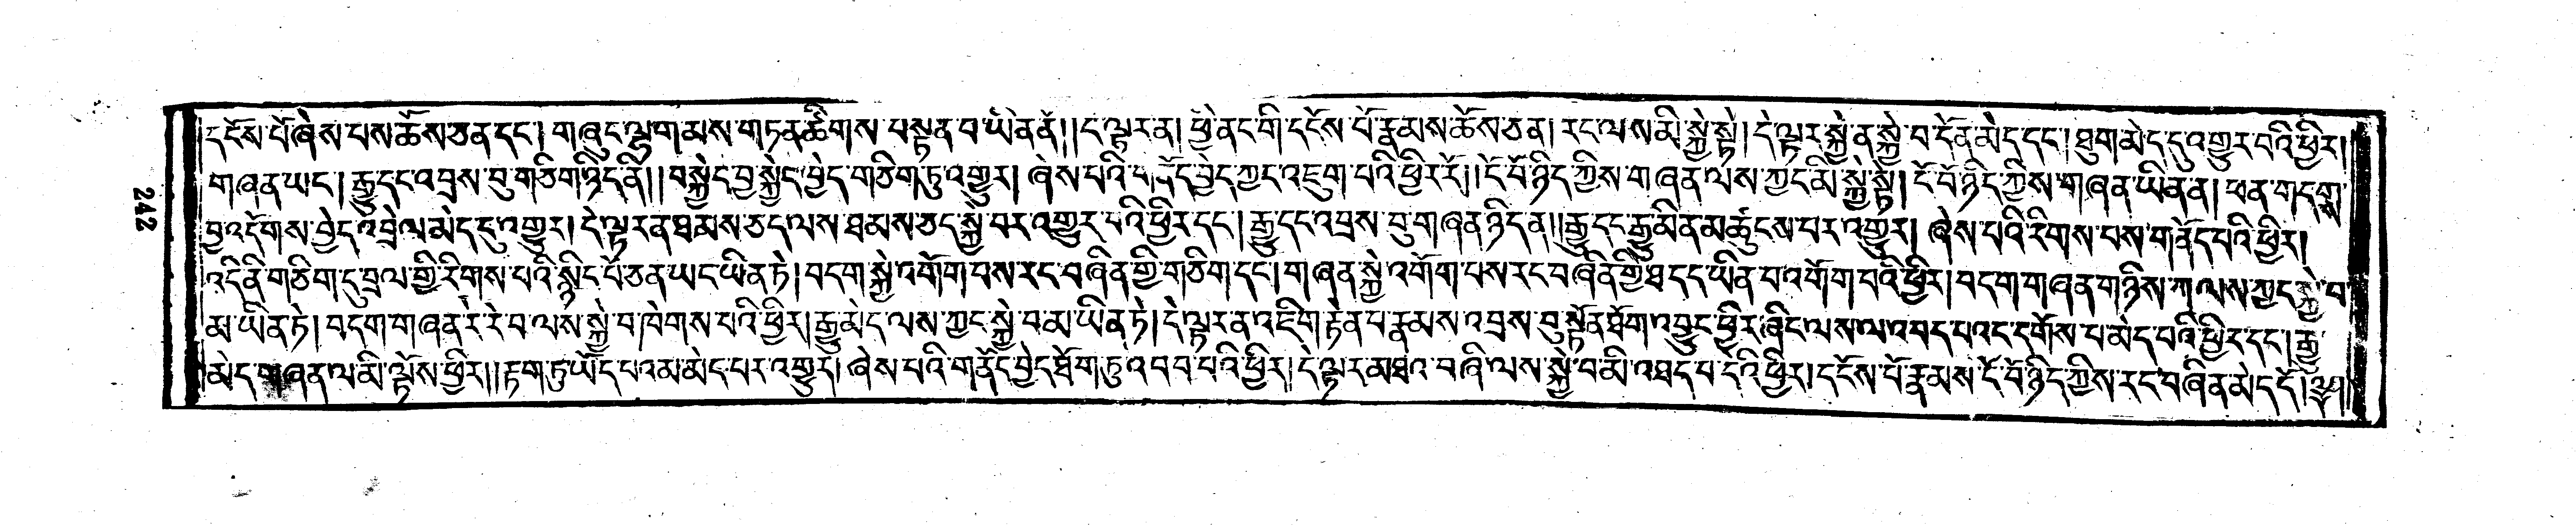དངོས་པོ་ཞེས་པས་ཆོས་ཅན་དང་། གཞུང་ལྷག་མས་གཏན་ཚིགས་བསྟན་པ་ཡིན་ནོ། །དེ་ལྟར་ན། ཕྱི་ནང་གི་དངོས་པོ་རྣམས་ཆོས་ཅན། རང་ལས་མི་སྐྱེ་སྟེ། དེ་ལྟར་སྐྱེ་ན་སྐྱེ་བ་དོན་མེད་དང་། ཐུག་མེད་དུ་འགྱུར་བའི་ཕྱིར།
གཞན་ཡང་། རྒྱུ་དང་འབྲས་བུ་གཅིག་ཉིད་ནི། །བསྐྱེད་བྱ་སྐྱེད་བྱེད་གཅིག་ཏུ་འགྱུར། ཞེས་པའི་གནོད་བྱེད་ཀྱང་འཇུག་པའི་ཕྱིར་རོ། །ངོ་བོ་ཉིད་ཀྱིས་གཞན་ལས་ཀྱང་མི་སྐྱེ་སྟེ། ངོ་བོ་ཉིད་ཀྱིས་གཞན་ཡིན་ན། ཕན་གདགས་
བྱ་འདོགས་བྱེད་འབྲེལ་མེད་དུ་འགྱུར། དེ་ལྟར་ན་ཐམས་ཅད་ལས་ཐམས་ཅད་སྐྱེ་བར་འགྱུར་བའི་ཕྱིར་དང་། རྒྱུ་དང་འབྲས་བུ་གཞན་ཉིད་ན། །རྒྱུ་དང་རྒྱུ་མིན་མཚུངས་པར་འགྱུར། ཞེས་པའི་རིགས་པས་གནོད་པའི་ཕྱིར།
འདི་ནི་གཅིག་དུ་བྲལ་གྱི་རིགས་པའི་སྙིང་པོ་ཅན་ཡང་ཡིན་ཏེ། བདག་སྐྱེ་འགོག་པས་རང་བཞིན་གྱི་གཅིག་དང་། གཞན་སྐྱེ་འགོག་པས་རང་བཞིན་གྱི་ཐ་དད་ཡིན་པ་འགོག་པའི་ཕྱིར། བདག་གཞན་གཉིས་ཀ་ལས་ཀྱང་སྐྱེ་བ་
མ་ཡིན་ཏེ། བདག་གཞན་རེ་རེ་བ་ལས་སྐྱེ་བ་ཁེགས་པའི་ཕྱིར། རྒྱུ་མེད་ལས་ཀྱང་སྐྱེ་བ་མ་ཡིན་ཏེ། དེ་ལྟར་ན་འཇིག་རྟེན་པ་རྣམས་འབྲས་བུ་སྟོན་ཐོག་འབྱུང་ཕྱིར་ཞིང་ལས་ལ་འབད་པའང་དགོས་པ་མེད་པའི་ཕྱིར་དང་། རྒྱུ་
མེད་གཞན་ལ་མི་ལྟོས་ཕྱིར། །རྟག་ཏུ་ཡོད་པའམ་མེད་པར་འགྱུར། ཞེས་པའི་གནོད་བྱེད་ཐོག་ཏུ་འབབ་པའི་ཕྱིར། དེ་ལྟར་མཐའ་བཞི་ལས་སྐྱེ་བ་མི་འཐད་པ་དེའི་ཕྱིར། དངོས་པོ་རྣམས་ངོ་བོ་ཉིད་ཀྱིས་རང་བཞིན་མེད་དོ། ༈ །